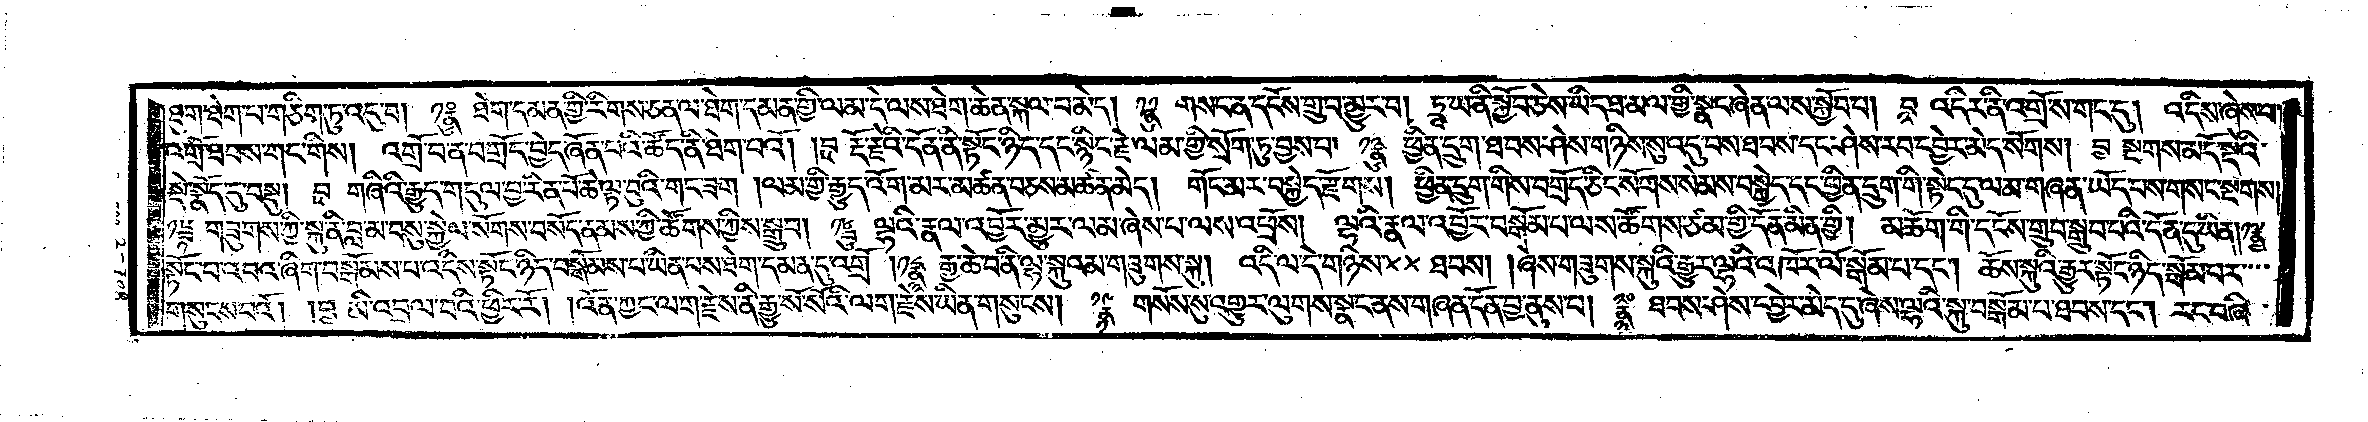ཐུག་ཐེག་པ་གཅིག་ཏུ་འདུ་བ། ༡༠ན༦་ཐེག་དམན་གྱི་རིགས་ཅན་ལ་ཐེག་དམན་གྱི་ལམ་དེ་ལས་ཐེག་ཆེན་སྐལ་བ་མེད། ༡༡ན༦་གསང་ན་དངོས་གྲུབ་མྱུར་བ། ཏྲཱ་ཡ་ནི་སྐྱོབ་ཅེས་ཡིད་ཐ་མལ་གྱི་སྣང་ཞེན་ལས་སྐྱོབ་བ། བ༢་འདིར་ནི་འགྲོས་གང་དུ། འདིས་ཞེས་པ་
འགྲོ་ཐབས་གང་གིས། འགྲོ་བ་ན་བགྲོད་བྱེད་ཞོན་པའི་ཚོད་ནི་ཐེག་པའོ། །བ༥་རྡོ་རྗེའི་དོན་ནི་སྟོང་ཉིད་དང་སྙིང་རྗེ་ལམ་གྱི་སྲོག་ཏུ་བྱས་པ། ༡༢ན༦་ཕྱིན་དྲུག་ཐབས་ཤེས་གཉིས་སུ་འདུ་བས་ཐབས་དང་ཤེས་རབ་དབྱེར་མེད་སོགས། བ༤་སྔགས་མདོ་སྡེའི་
སྡེ་སྣོད་དུ་བསྡུ། བ༥་གཞིའི་རྒྱུད་གདུལ་བྱ་རིན་པོ་ཆེ་ལྟ་བུའི་གང་ཟག །ལམ་གྱི་རྒྱུད་འོག་མར་མཚན་བཅས་མཚན་མེད། གོང་མར་བསྐྱེད་རྫོགས། ཕྱིན་དྲུག་གིས་བགྲོད་ཅིང་སོགས་སེམས་བསྐྱེད་དང་ཕྱིན་དྲུག་གི་སྟེང་དུ་ལམ་གཞན་ཡོད་པས་གསང་སྔགས་
༡༢བ༡་གཟུགས་ཀྱི་སྐུ་ནི་བླ་མ་བསུ་སྐྱེ་ལ་སོགས་བསོད་ནམས་ཀྱི་ཚོགས་ཀྱིས་སྒྲུབ། ༡༦བ༦་ལྷའི་རྣལ་འབྱོར་མྱུར་ལམ་ཞེས་པ་ལས་འཕྲོས། ལྷའི་རྣལ་འབྱོར་བསྒོམ་པ་ལས་ཚོགས་ཙམ་གྱི་དོན་མིན་གྱི། མཆོག་གི་དངོས་གྲུབ་སྒྲུབ་པའི་དོན་དུ་ཡིན། ༡༧ན༤
སྟོང་བ་འབའ་ཞིག་བསྒོམས་པ་འདིས་སྟོང་ཉིད་བསྒོམས་པ་ཡིན་པས་ཐེག་དམན་དུ་འགྲོ། ༡༨ན༣་རྒྱ་ཆེ་བ་ནི་ལྷ་སྐུའམ་གཟུགས་སྐུ། འདི་ལ་དེ་གཉིས་྾྾་ཐབས། །ཞེས་གཟུགས་སྐུའི་རྒྱུར་ལྷའི་འཁོར་ལོ་སྒོམ་པ་དང་། ཆོས་སྐུའི་རྒྱུར་སྟོང་ཉིད་སྒོམ་པར་
གསུངས་པའོ། །བ༤་མི་འབྲལ་བའི་ཕྱིར་རོ། །འོན་ཀྱང་ལག་རྗེས་ནི་རྒྱུ་སོ་སོའི་ལག་རྗེས་ཡིན་གསུངས། ༡༩ན༡་གསོས་སུ་འགྱུར་ལུགས་སྣང་ནས་གཞན་དོན་བྱ་ནུས་པ། ༢༠ན༢་ཐབས་ཤེས་དབྱེར་མེད་དུ་ཞེས་ལྷའི་སྐུ་བསྒོམ་པ་ཐབས་དང་། རང་བཞི་